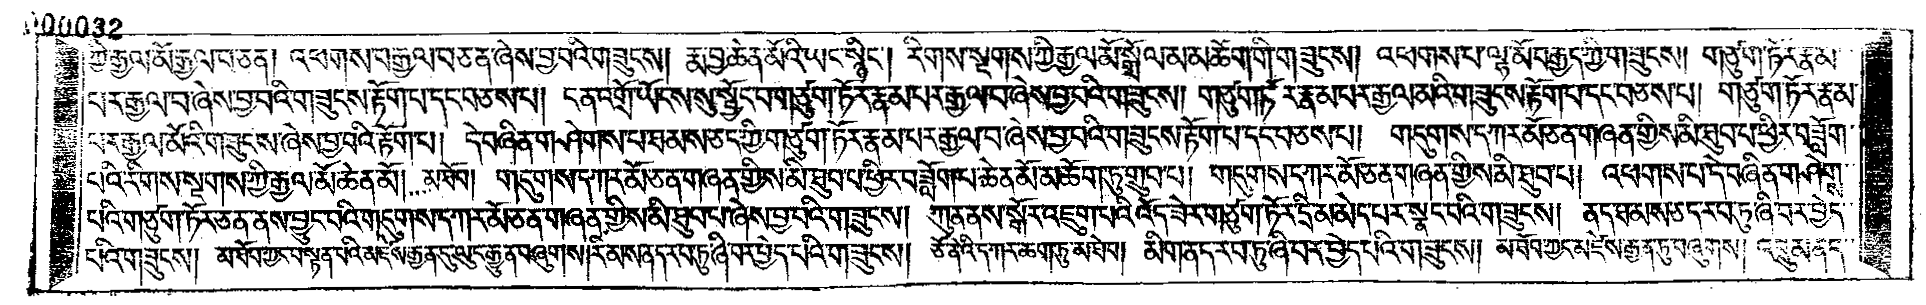ཀྱི་རྒྱལ་མོ་རྒྱལ་བ་ཅན། འཕགས་པ་རྒྱལ་བཅན་ཞེས་བྱ་བའི་གཟུངས། རྨ་བྱ་ཆེན་མོའི་ཡང་སྙིང་། རིགས་སྔགས་ཀྱི་རྒྱལ་མོ་སྒྲོལ་མ་མཆོག་གི་གཟུངས། འཕགས་པ་ལྷ་མོ་བརྒྱད་ཀྱི་གཟུངས། གཙུག་ཏོར་རྣམ་
པར་རྒྱལ་བ་ཞེས་བྱ་བའི་གཟུངས་རྟོག་པ་དང་བཅས་པ། ངན་འགྲོ་ཡོངས་སུ་སྦྱོང་བ་གཙུག་ཏོར་རྣམ་པར་རྒྱལ་བ་ཞེས་བྱ་བའི་གཟུངས། གཙུག་ཏོར་རྣམ་པར་རྒྱལ་མའི་གཟུངས་རྟོག་པ་དང་བཅས་པ། གཙུག་ཏོར་རྣམ་
པར་རྒྱལ་མོའི་གཟུངས་ཞེས་བྱ་བའི་རྟོག་པ། དེ་བཞིན་གཤེགས་པ་ཐམས་ཅད་ཀྱི་གཙུག་ཏོར་རྣམ་པར་རྒྱལ་བ་ཞེས་བྱ་བའི་གཟུངས་རྟོག་པ་དང་བཅས་པ། གདུགས་དཀར་མོ་ཅན་གཞན་གྱིས་མི་ཐུབ་པ་ཕྱིར་བཟློག་
པའི་རིགས་སྔགས་ཀྱི་རྒྱལ་མོ་ཆེན་མོ་མ་ཐོབ།  གདུགས་དཀར་མོ་ཅན་གཞན་གྱིས་མི་ཐུབ་པ་ཕྱིར་བཟློག་པ་ཆེན་མོ་མཆོག་ཏུ་གྲུབ་པ། གདུགས་དཀར་མོ་ཅན་གཞན་གྱིས་མི་ཐུབ་པ། འཕགས་པ་དེ་བཞིན་གཤེགས་
པའི་གཙུག་ཏོར་ཅན་ནས་བྱུང་བའི་གདུགས་དཀར་མོ་ཅན་གཞན་གྱིས་མི་ཐུབ་པ་ཞེས་བྱ་བའི་གཟུངས། ཀུན་ནས་སྒོར་འཇུག་པའི་འོད་ཟེར་གཙུག་ཏོར་དྲི་མ་མེད་པར་སྣང་བའི་གཟུངས། ནད་ཐམས་ཅད་རབ་ཏུ་ཞི་བར་བྱེད་
པའི་གཟུངས། མ་ཐོབ་ཀྱང་བསྟན་པའི་མཛེས་རྒྱན་དུ་ལུང་རྒྱུན་བ་ཞུགས།  རིམ་ནད་རབ་ཏུ་ཞི་བར་བྱེད་པའི་གཟུངས། ཅོ་ནེའི་དཀར་ཆག་ཏུ་མ་ཐེབ།  མིག་ནད་རབ་ཏུ་ཞི་བར་བྱེད་པའི་གཟུངས། མ་ཐོབ་ཀྱང་མཛེས་རྒྱན་ཏུ་བཞུགས།  འབྲུམ་ནད་